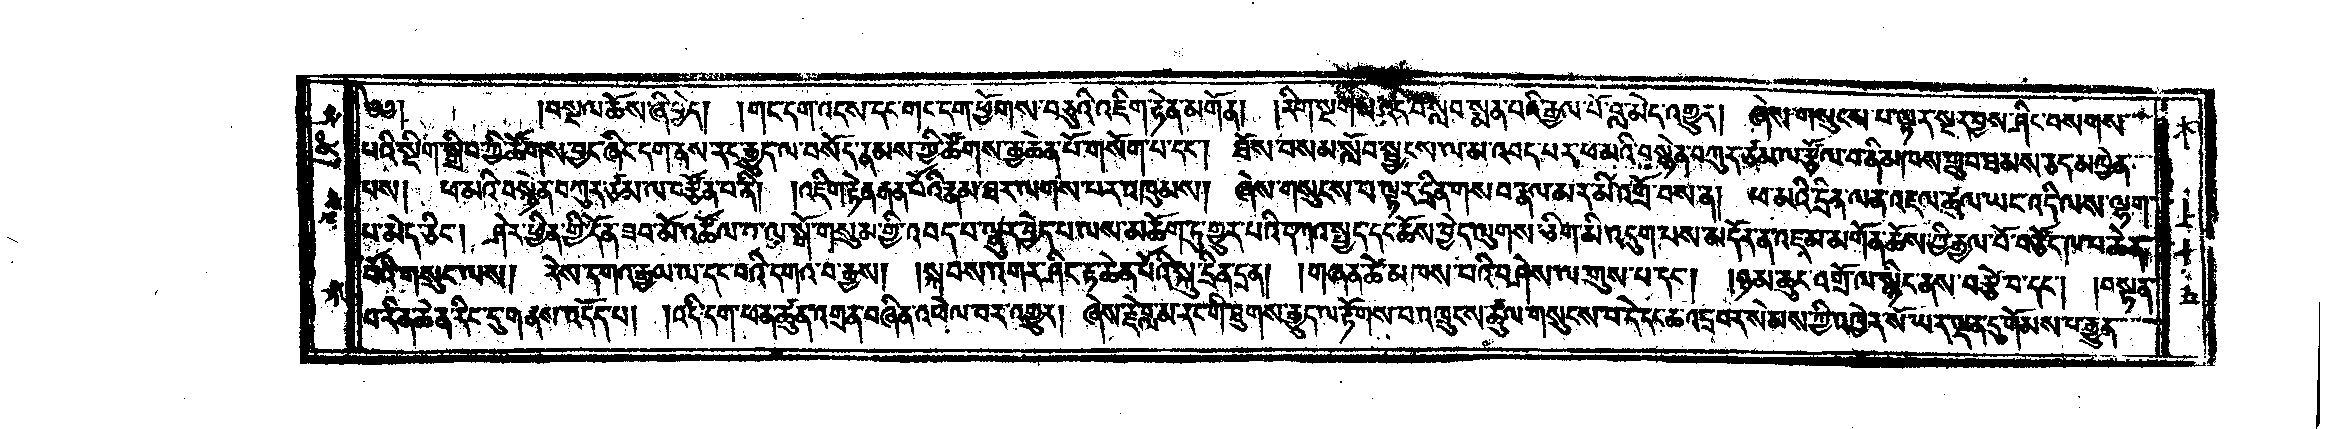༄༅། །བསྔལ་ཆོས་ཞི་བྱེད། །གང་དག་འདས་དང་གང་དག་ཕྱོགས་བཅུའི་འཇིག་རྟེན་མགོན། །རིག་སྔགས་འདི་བསླབ་སྨན་པའི་རྒྱལ་པོ་བླ་མེད་འགྱུར། ཞེས་གསུངས་པ་ལྟར་སྔར་བྱས་ཤིང་བསགས་
པའི་སྡིག་སྒྲིབ་ཀྱི་ཚོགས་བྱང་ཞིང་དག་ནས་རང་རྒྱུད་ལ་བསོད་ནམས་ཀྱི་ཚོགས་རྒྱ་ཆེན་པོ་གསོག་པ་དང་། ཐོས་བསམ་སློབ་སྦྱངས་ལ་མ་འབད་པར་ཕ་མའི་བསྙེན་བཀུར་ཙམ་ལ་རྩོལ་བ་ནི་མཁས་གྲུབ་ཐམས་ཅད་མཁྱེན་
པས༑ ཕ་མའི་བསྙེན་བཀུར་ཙམ་ལ་བརྩོན་པ་ནི། །འཇིག་རྟེན་རྒན་པོའི་རྣམ་ཐར་ལགས་པར་འཁུམས། ཞེས་གསུངས་པ་ལྟར་དྲིན་གསབ་རྣལ་མར་མི་འགྲོ་བས་ན། ཕ་མའི་དྲིན་ལན་འཇལ་ཚུལ་ཡང་འདི་ལས་ལྷག་
པ་མེད་ཅིང་། ཤེར་ཕྱིན་གྱི་དོན་ཟབ་མོ་འཚོལ་བ་ལ་སྒོ་གསུམ་གྱི་འབད་པ་ལྷུར་བྱེད་པ་ལས་མཆོག་ཏུ་གྱུར་པའི་དཀའ་སྤྱད་དང་ཆོས་བྱེད་ལུགས་ཅིག་མི་འདུག་པས་མདོར་ན་འཇམ་མགོན་ཆོས་ཀྱི་རྒྱལ་པོ་བཙོང་ཁ་པ་ཆེན་
པོའི་གསུང་ལས། རེས་དགའ་རྒྱལ་ལ་དང་བའི་དགའ་བ་རྒྱས། །སྐབས་འགར་ཤིང་རྟ་ཆེན་པོའི་སྐུ་དྲིན་དྲན། །གཞན་ཚེ་མཁས་པའི་བཤེས་ལ་གུས་པ་དང་། །ཉམ་ཆུང་འགྲོ་ལ་སྙིང་ནས་བརྩེ་བ་དང་། །བསྟན་
པ་རིན་ཆེན་རིང་དུ་གནས་འདོད་པ། །འདི་དག་ཕན་ཚུན་འགྲན་བཞིན་འཕེལ་བར་འགྱུར། ཞེས་རྗེ་བླ་མ་རང་གི་ཐུགས་རྒྱུད་ལ་རྟོགས་པ་འཁྲུངས་ཚུལ་གསུངས་པ་དེ་དང་ཆ་འདྲ་བར་སེམས་ཀྱི་འཁྱེར་སོ་ཡར་ལྡན་དུ་གོམས་པ་རྒྱུན་